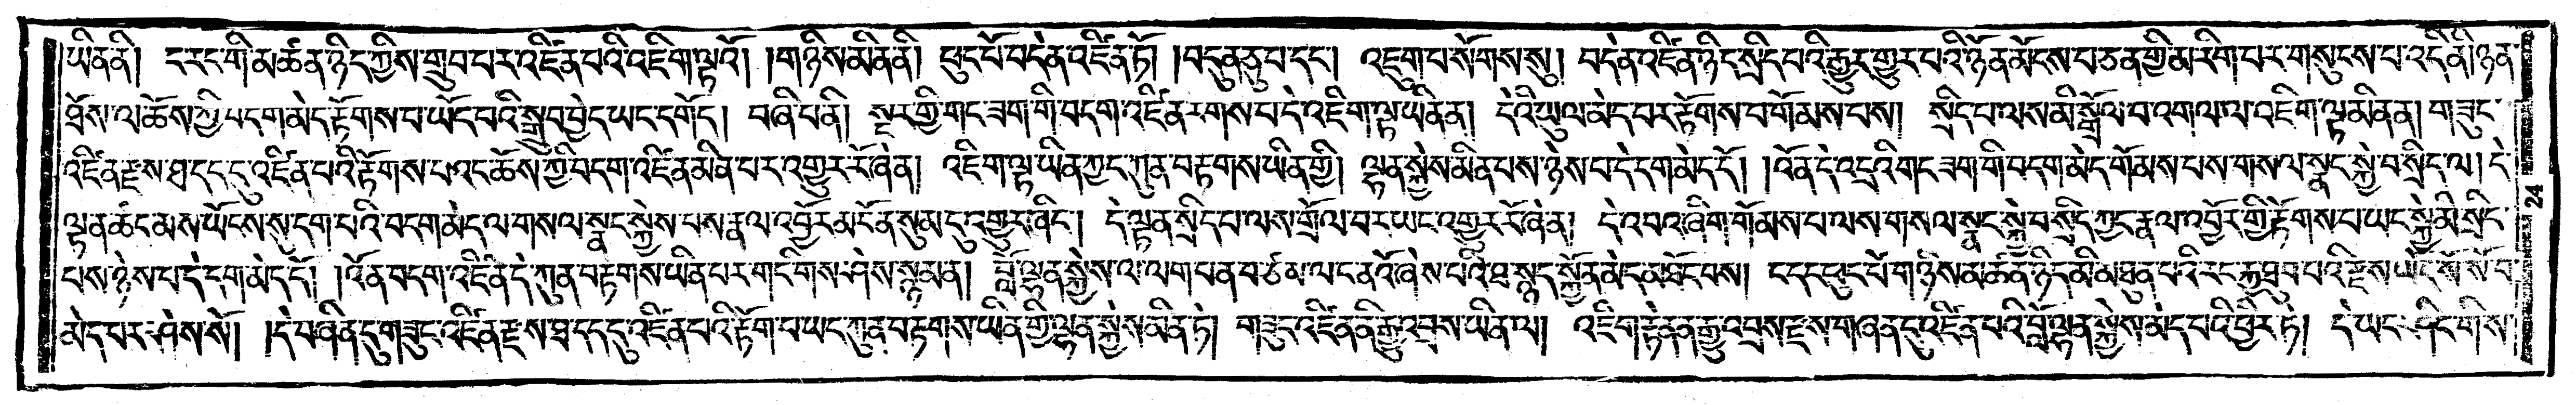ཡིན་ནི། ང་རང་གི་མཚན་ཉིད་ཀྱིས་གྲུབ་པར་འཛིན་པའི་འཇིག་ལྟའོ། །གཉིས་མིན་ནི། ཕུང་པོ་བདེན་འཛིན་ཏོ། །བདུན་ཅུ་པ་དང་། འཇུག་པ་སོགས་སུ། བདེན་འཛིན་ཉིད་སྲིད་པའི་རྒྱུར་གྱུར་པའི་ཉོན་མོངས་པ་ཅན་གྱི་མ་རིག་པར་གསུངས་པ་འདི་ནི། ཉན་
ཐོས་ལ་ཆོས་ཀྱི་བདག་མེད་རྟོགས་པ་ཡོད་པའི་སྒྲུབ་བྱེད་ཡང་དགོད། བཞི་པ་ནི། སྔར་གྱི་གང་ཟག་གི་བདག་འཛིན་རགས་པ་དེ་འཇིག་ལྟ་ཡིན་ན། དེའི་ཡུལ་མེད་པར་རྟོགས་པ་གོམས་པས། སྲིད་པ་ལས་མི་སྒྲོལ་བ་འགལ་ལ་འཇིག་ལྟ་མིན་ན། གཟུང་
འཛིན་རྫས་ཐ་དད་དུ་འཛིན་པའི་རྟོགས་པའང་ཆོས་ཀྱི་བདག་འཛིན་མིན་པར་འགྱུར་རོ་ཞེ་ན། འཇིག་ལྟ་ཡིན་ཀྱང་ཀུན་བརྟགས་ཡིན་གྱི། ལྷན་སྐྱེས་མིན་པས་ཉེས་པ་དེ་དག་མེད་དོ། །འོ་ན་དེ་འདྲའི་གང་ཟག་གི་བདག་མེད་གོམས་པས་གསལ་སྣང་སྐྱེ་བ་སྲིད་ལ། དེ་
ལྟ་ན་ཚང་མས་ཡོངས་སུ་དག་པའི་བདག་མེད་ལ་གསལ་སྣང་སྐྱེས་པས་རྣལ་འབྱོར་མངོན་སུམ་དུ་འགྱུར་ཞིང་། དེ་ལྟ་ན་སྲིད་པ་ལས་གྲོལ་བར་ཡང་འགྱུར་རོ་ཞེ་ན། དེ་འབའ་ཞིག་གོམས་པ་ལས་གསལ་སྣང་སྐྱེ་བ་སྲིད་ཀྱང་རྣལ་འབྱོར་གྱི་རྟོགས་པ་ཡང་སྐྱེ་མི་སྲིད་
པས་ཉེས་པ་དེ་དག་མེད་དོ། །འོ་ན་བདག་འཛིན་དེ་ཀུན་བརྟགས་ཡིན་པར་གང་གིས་ཤེས་སྙམ་ན། བློ་ལྷན་སྐྱེས་ལ་ལག་པ་ན་བ་ཙམ་ལང་ནའོ་ཞེས་པའི་ཐ་སྙད་སྐྱོན་མེད་མཐོང་བས། ང་དང་ཕུང་པོ་གཉིས་མཚན་ཉིད་མི་མཐུན་པའི་རང་རྐྱ་ཐུབ་པའི་རྫས་ཡོད་སོ་སོ་བ་
མེད་པར་ཤེས་སོ། །དེ་བཞིན་དུ་གཟུང་འཛིན་རྫས་ཐ་དད་དུ་འཛིན་པའི་རྟོག་པ་ཡང་ཀུན་བརྟགས་ཡིན་གྱི་ལྷན་སྐྱེས་མིན་ཏེ། གཟུང་འཛིན་ནི་རྒྱུ་འབྲས་ཡིན་ལ། འཇིག་རྟེན་ན་རྒྱུ་འབྲས་རྫས་གཞན་དུ་འཛིན་པའི་བློ་ལྷན་སྐྱེས་མེད་པའི་ཕྱིར་ཏེ། དེ་ཡང་ཤིང་གི་ས་